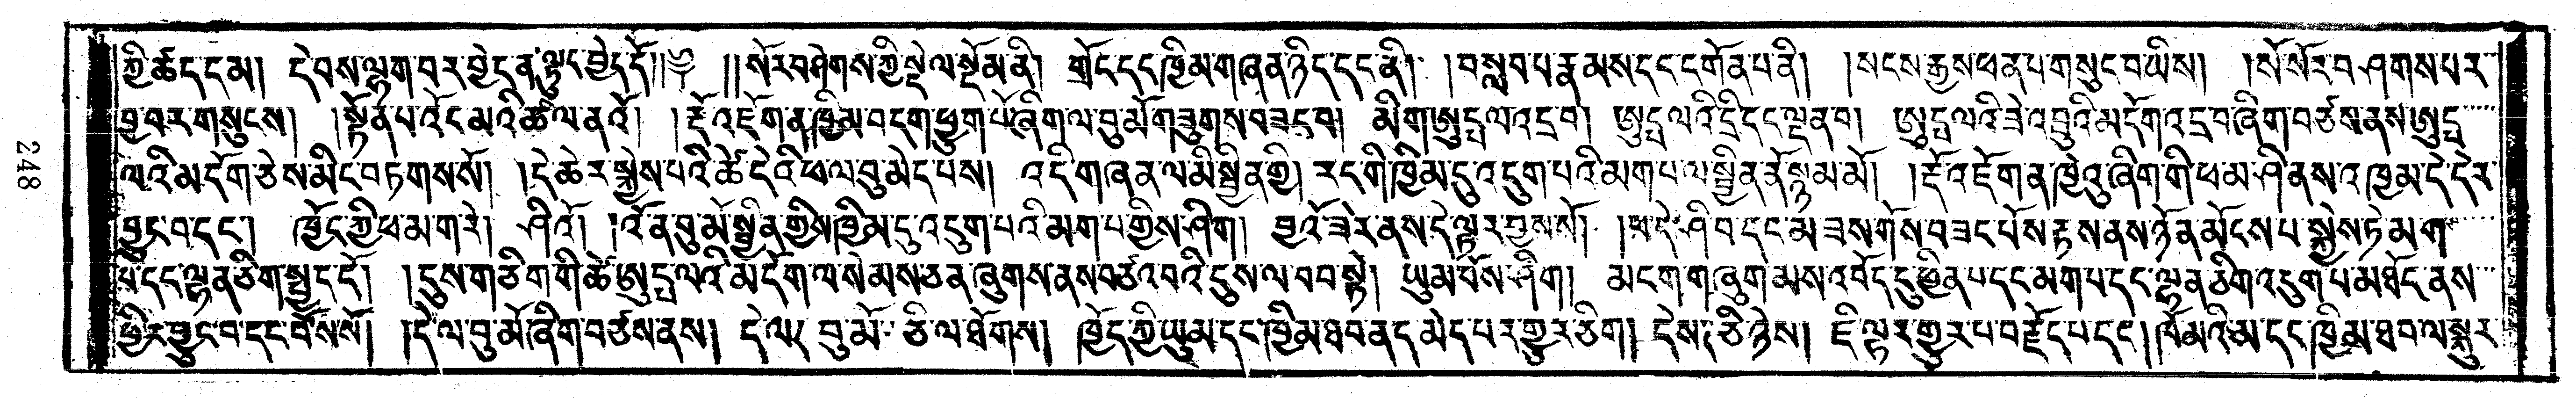ཀྱི་ཚད་དམ། དེ་བས་ལྷག་པར་བྱེད་ན་ལྟུང་བྱེད་དོ།། ༈ །།སོར་བཤེགས་ཀྱི་སྡེ་ལ་སྡོམ་ནི། གྲོང་དང་ཁྱིམ་གཞན་ཉིད་དང་ནི། །བསླབ་པ་རྣམས་དང་དགོན་པ་ནི། །སངས་རྒྱས་ཕན་པ་གསུང་བ་ཡིས། །སོ་སོར་བཤགས་པར་
བྱ་བར་གསུངས། །སྟོན་པ་འོང་མའི་ཚལ་ནའོ། །རྡོ་འཇོག་ན་ཁྱིམ་བདག་ཕྱུག་པོ་ཞིག་ལ་བུ་མོ་གཟུགས་བཟང་བ། མིག་ཨུདཔལ་འདྲ་བ། ཨུདཔ་ལའི་དྲི་དང་ལྡན་པ། ཨུདཔ་ལའི་ཟེ་འབྲུའི་མདོག་འདྲ་བ་ཞིག་བཙས་ནས་ཨུདཔ་
ལའི་མདོག་ཅེས་མིང་བཏགས་སོ། །དེ་ཆེར་སྐྱེས་པའི་ཚེ་དེའི་ཕལ་བུ་མེད་པས། འདི་གཞན་ལ་མི་སྦྱིན་གྱི། རང་གི་ཁྱིམ་དུ་འདུག་པའི་མག་པ་ལ་སྦྱིན་ནོ་སྙམ་མོ། །རྡོ་འཇོག་ན་ཁྱེའུ་ཞིག་གི་ཕ་མ་ཤི་ནས་འཁྱམ་དེ་དེར་
བྱུང་བ་དང་། ཁྱོད་ཀྱི་ཕ་མ་ག་རེ། ཤིའོ། །འོ་ན་བུ་མོ་སྦྱིན་གྱིས་ཁྱིམ་དུ་འདུག་པའི་མག་པ་གྱིས་ཤིག། བྱའོ་ཟེར་ནས་དེ་ལྟར་བྱས་སོ། །ཕ་དེ་ཤི་བ་དང་མ་ཟས་གོས་བཟང་པོས་རྟས་ནས་ཉོན་མོངས་པ་སྐྱེས་ཏེ་མ་ག་
པ་དང་ལྷན་ཅིག་སྤྱད་དོ། །དུས་གཅིག་གི་ཚེ་ཨུདཔ་ལའི་མདོག་ལ་སེམས་ཅན་ཞུགས་ནས་བཙའ་བའི་དུས་ལ་བབ་སྟེ། ཡུམ་པོས་ཤིག། མངག་གཞུག་མས་འབོད་དུ་ཕྱིན་པ་དང་མག་པ་དང་ལྷན་ཅིག་འདུག་པ་མཐོང་ནས་
ཕྱིར་བྱུང་བ་དང་བོས་སོ། །དེ་ལ་བུ་མོཿ ཞིག་བཙས་ནས། དེ་ལ༑ བུ་མོ་ཅི་ལ་ཐོགས། ཁྱོད་ཀྱི་ཡུམ་དང་ཁྱིམ་ཐབ་ནད་མེད་པར་གྱུར་ཅིག །དེས༑ ཅི་ཉེས། ཇི་ལྟར་གྱུར་པ་བརྗོད་པ་དང་། ཁོ་མའི་མ་དང་ཁྱིམ་ཐབ་ལ་སྐུར་